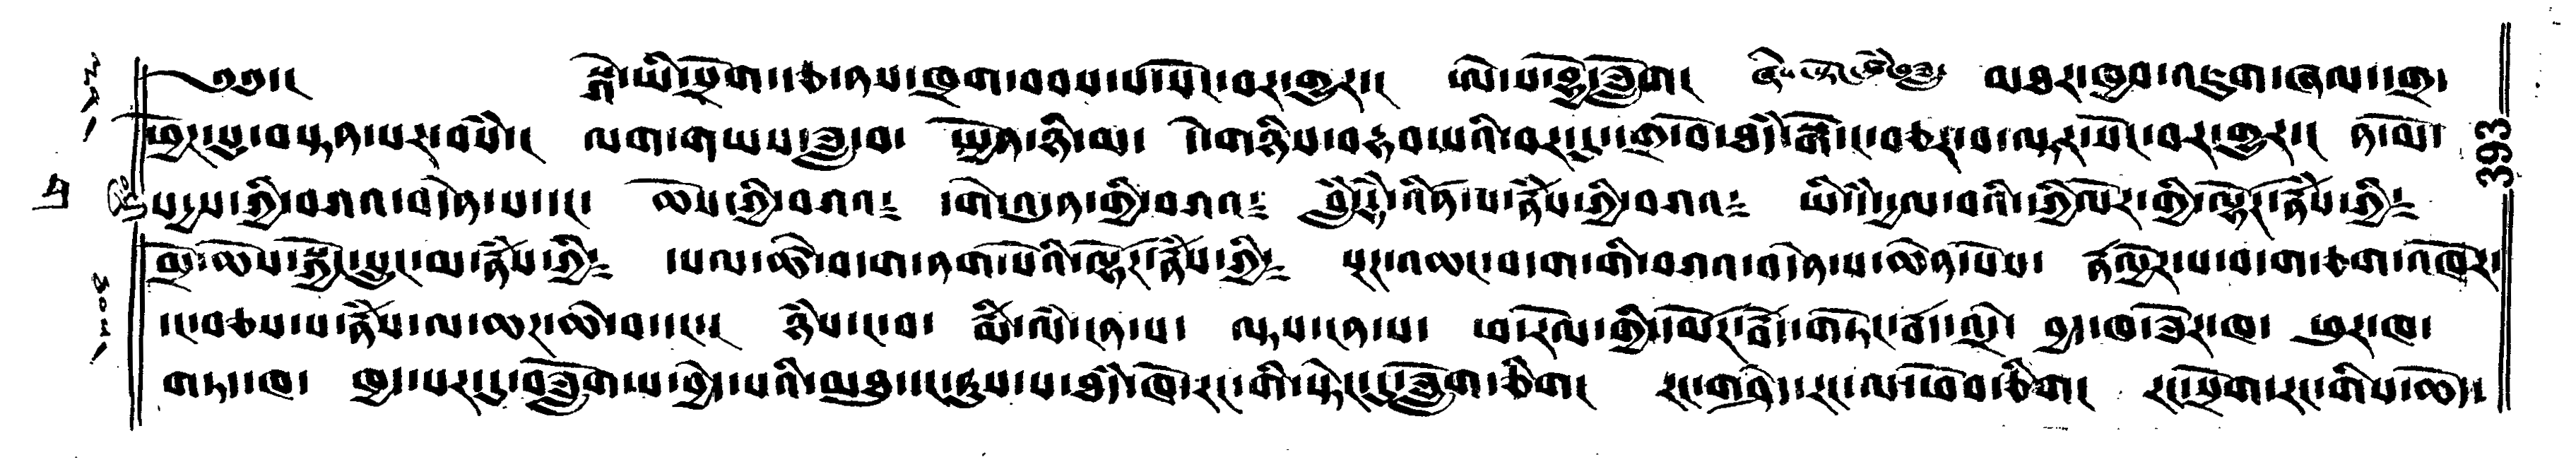སྐེ་ཡི་སྲོག་རྩ་ནས་ཁྲག་བབས་པ་སོང་བར་གྱུར། ཨེ་ས་བྷྱོ་ཟློག ཞེས་སྟོང་ཙམ་བཟླ། མཐར་ཁྱབ་འཇུག་ཞལ་དགྲ་
ཕྱོགས་སུ་བསྟན་པར་བསམ། ལག་གཡས་ཟླ་བ། གཡོན་ཉི་མ། དེ་གཉིས་བརྡབ་པའི་བར་དུ་དགྲ་བོ་ཐམས་ཅད་སྒོ་ང་བཅར་བ་ལྟར་སོང་བར་གྱུར། ན་མོ་
སངས་རྒྱས་ཀྱི་བཀའ་བདེན་པ་དང་། ཆོས་ཀྱི་བཀའ༴ དགེ་འདུན་གྱི་བཀའ༴ བླ་མ་རྡོ་རྗེ་འཛིན་པ་རྣམས་ཀྱི་བཀའ༴ ཡི་དམ་རྒྱལ་བའི་དཀྱིལ་འཁོར་གྱི་ལྷ་ཚོགས་རྣམས་ཀྱི༴ 
མཁའ་འགྲོ་ཆོས་སྐྱོང་སྲུང་མ་རྣམས་ཀྱི༴ དཔལ་ཚེ་བདག་ནག་པོའི་ལྷ་ཚོགས་རྣམས་ཀྱི༴ སྔགས་འཆང་བདག་གི་བཀའ་བདེན་པ་ཆེན་པོས་རྣལ་འབྱོར་པ་བདག་ཅག་འཁོར་
དང་བཅས་པ་རྣམས་ལ་ཆགས་ཆེ་བ་དང་། ཉམས་ང་བ། རྨི་ལམ་ངན་པ། ལྟས་ངན་པ། ཕ་རོལ་གྱི་དམག་ཚོགས་རྦོད་གཏོང་རྦད་འདྲེ་བྱད་ཁ། ཟོར་ཁ། ཕུར་ཁ། 
གཏད་ཁ། ཁྱད་པར་དུ་བཟློག་པ་བྱེད་པའི་མཐུ་དང་ནུས་པ་ཐམས་ཅད་ཁོ་རང་གི་སྟེང་དུ་ཟློག་ཅིག རང་གཤེད་རང་ལ་ཕོབ་ཅིག རང་སྲོག་རང་གིས་ཆོད་